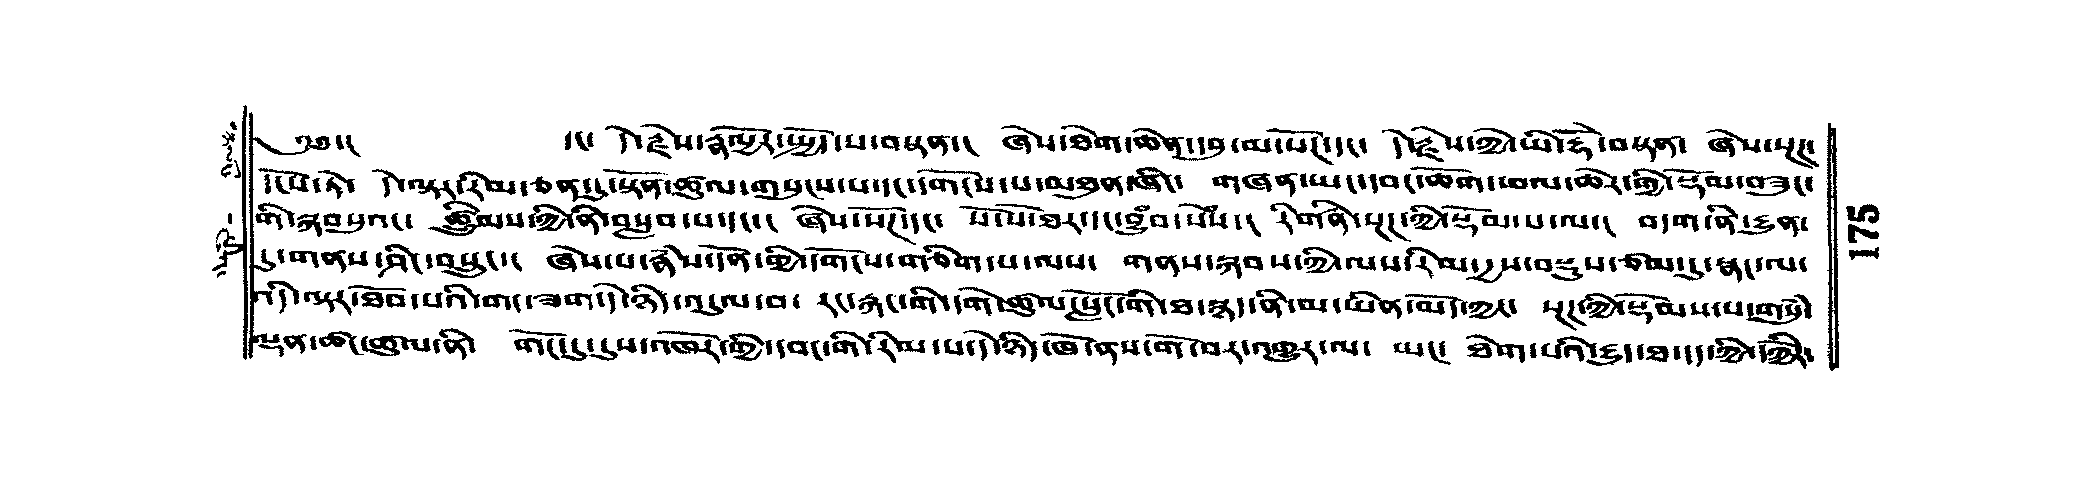དང་། དེ་རྗེས་རྣལ་འབྱོར་སྤྱོད་པ་བསྟན། ཞེས་ཐེག་ཆེན་དབུ་མ་སོགས་དང་། དེ་རྗེས་ཀྱཻ་ཡི་རྡོ་རྗེ་བསྟན། ཞེས་སྔགས་
དངོས་ཏེ། དེ་ལྟར་རིམ་ཅན་དུ་སྟོན་ཚུལ་གསུངས་པ་དང་དགོངས་པ་མཐུན་ཞིང་། གཞན་ཡང་དབང་ཆོག་ཕལ་ཆེར་གྱི་སྡོམ་བཟུང་
གི་སྐབས་སུའང་། ཚུལ་ཁྲིམས་ཀྱི་ནི་བསླབ་པ་དང་། ཞེས་སོགས་དང་། སོ་སོ་ཐར་དང་བྱང་ཆུབ་སེམས། །རིག་འཛིན་སྔགས་ཀྱི་སྡོམ་པ་ལ། །བདག་ནི་རྒྱུན་
དུ་གནས་ཤིང་བསྲུང་། ཞེས་པ་རྣམས་དོན་གྱི་དགོངས་པ་གཅིག་པ་ལས། གནས་སྐབས་ཀྱི་ལས་རིམ་རྒྱས་བསྡུས་ཙམ་དུ་སྣང་ལ་
འདི་ལྟར་ཐོབ་པའི་གང་ཟག་དེ་ཉིད་འདུལ་བ་རང་རྐང་གི་དགེ་ཚུལ་སློང་གི་ཐ་སྙད་ནི་མ་ཡིན་མོད་ཀྱང་། སྔགས་ཀྱི་སྡོམ་པ་གསུམ་
ལྡན་ཚང་ཚུལ་ནི། གོང་དུ་དུས་འཁོར་གྱི་དབང་གི་རིམ་པ་དེ་ཉིད་ཁོ་ནས་གོ་བར་འགྱུར་ལ། ཡང་ཐེག་པའི་རྒྱུད་ཐ་དད་ཀྱི་དཀྱིལ་འཁོར་